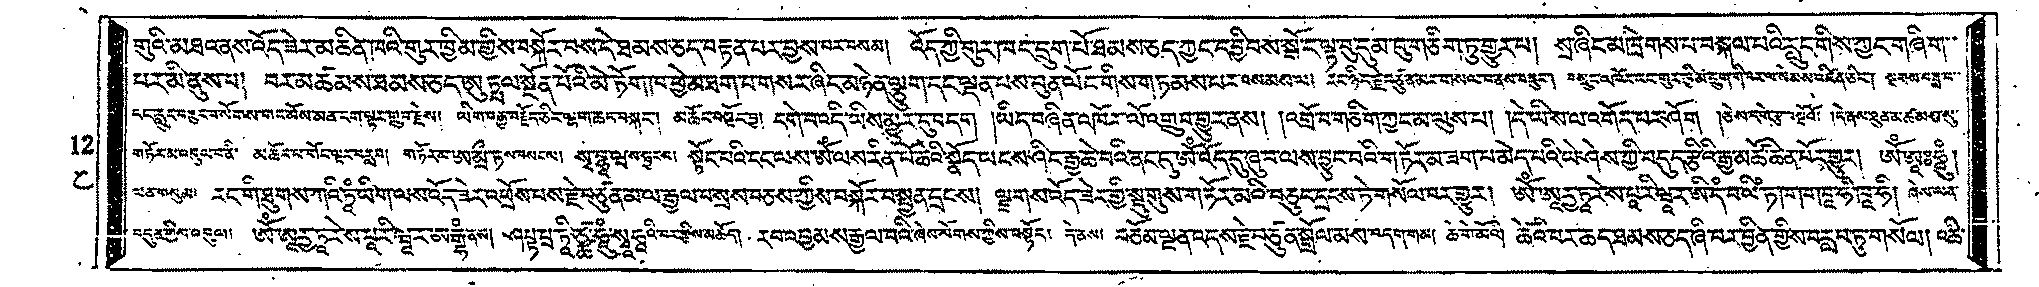གུའི་མཐའ་ནས་འོད་ཟེར་མཆིན་ཁའི་གུར་ཁྱིམ་གྱིས་བསྐོར་བས་དེ་ཐམས་ཅད་བརྟན་པར་བྱས་པར་བསམ།  འོད་ཀྱི་གུར་ཁང་དྲུག་པོ་ཐམས་ཅད་ཀྱང་དབྱིབས་སྒོ་ང་ལྟ་བུ་དུམ་བུ་གཅིག་ཏུ་གྱུར་པ། སྲ་ཞིང་མཁྲེགས་པ་བསྐལ་པའི་རླུང་གིས་ཀྱང་གཞིག་་་
པར་མི་ནུས་པ། བར་མཚམས་ཐམས་ཅད་ཨུཏྤལ་སྔོན་པོའི་མེ་ཏོག་ཁ་ཕྱེ་མ་ཐག་པ་གསར་ཞིང་མཉེན་ལྕུག་དང་ལྡན་པས་བུན་ལོང་གིས་གཏམ་པར་བསམས་ལ། རང་ཉིད་རྗེ་བཙུན་མར་གསལ་བ་ནས་བཟུང་། བསྲུང་འཁོར་དང་གུར་ཁྱིམ་དྲུག་གི་བར་ལ་སེམས་འཛིན་ཅིང་། སྔགས་བཟླ་བ་
དང་རླུང་བཟུང་བ་སོགས་གང་མོས་ནམ་ངག་ལྟར་གྲུབ་རྗེས། ཡིག་བརྒྱ་བརྗོད་ཅིང་ལྷག་ཆད་བསྐང་། མཆོད་བསྟོད་བྱ། དགེ་བ་འདི་ཡིས་མྱུར་དུ་བདག །ཡིད་བཞིན་འཁོར་ལོ་འགྲུབ་གྱུར་ནས། །འགྲོ་བ་གཅིག་ཀྱང་མ་ལུས་པ། །དེ་ཡི་ས་ལ་འགོད་པར་ཤོག། །ཅེས་དགེ་རྩ་བསྔོའོ། །དེ་ནས་ཐུན་མཚམས་སུ་
གཏོར་མ་འབུལ་བ་ནི། མཆོད་པ་གོང་ལྟར་བརླབ། གཏོར་མ་ཨ་མྲྀ་ཏ་ས་བསངས། སྭ་བྷཱ་ཝས་སྦྱངས། སྟོང་པའི་ངག་ལས་ཨོཾ་ལས་རིན་པོ་ཆེའི་སྣོད་ཡངས་ཤིང་རྒྱ་ཆེ་བའི་ནང་དུ་ཨོཾ་འོད་དུ་ཞུ་བ་ལས་བྱུང་བའི་གཏོར་མ་ཟག་པ་མེད་པའི་ཡེ་ཤེས་ཀྱི་བདུད་རྩིའི་རྒྱ་མཚོ་ཆེན་པོར་གྱུར། ཨོཾ་ཨཱཿཧཱུཾ།
ལན་གསུམ།  རང་གི་ཐུགས་ཀའི་ཏཱཾ་ཡིག་ལས་འོད་ཟེར་འཕྲོས་པས་རྗེ་བཙུན་མ་ལ་རྒྱལ་བ་སྲས་བཅས་ཀྱིས་བསྐོར་བ་སྤྱན་དྲངས། ལྗངས་འོད་ཟེར་གྱི་སྦུ་གུས་གཏོར་མའི་བཅུད་དྲངས་ཏེ་གསོལ་བར་གྱུར། ཨོཾ་ཨཱ་རྱ་ཏཱ་རེ་ས་པཱ་རི་ཝཱ་ར་ཨི་དཾ་བ་ལིཾ་ཏ་ཁ་ཁ་ཁཱ་ཧི་ཁཱ་ཧི། ཞེས་ལན་
བདུན་གྱིས་འབུལ། ཨོཾ་ཨཱརྱ་ཏཱ་རེ་ས་པཱ་རི་ཝཱ་ར་ཨརྒྷཾ་ནས།  ཤཔྟ་པྲ་ཏཱི་ཙྪ་ཧཱུཾ་སྭཱཧའི་བར་གྱིས་མཆོད།  རབ་འབྱམས་རྒྱལ་བའི་ཞེས་སོགས་ཀྱིས་བསྟོད། དེ་ནས།  བཅོམ་ལྡན་འདས་རྗེ་བཙུན་སྒྲོལ་མས་བདག་གམ། ཆེ་གེ་མོའི།  ཚེའི་བར་ཆད་ཐམས་ཅད་ཞི་བར་བྱིན་གྱིས་བརླབ་ཏུ་གསོལ། འཆི་